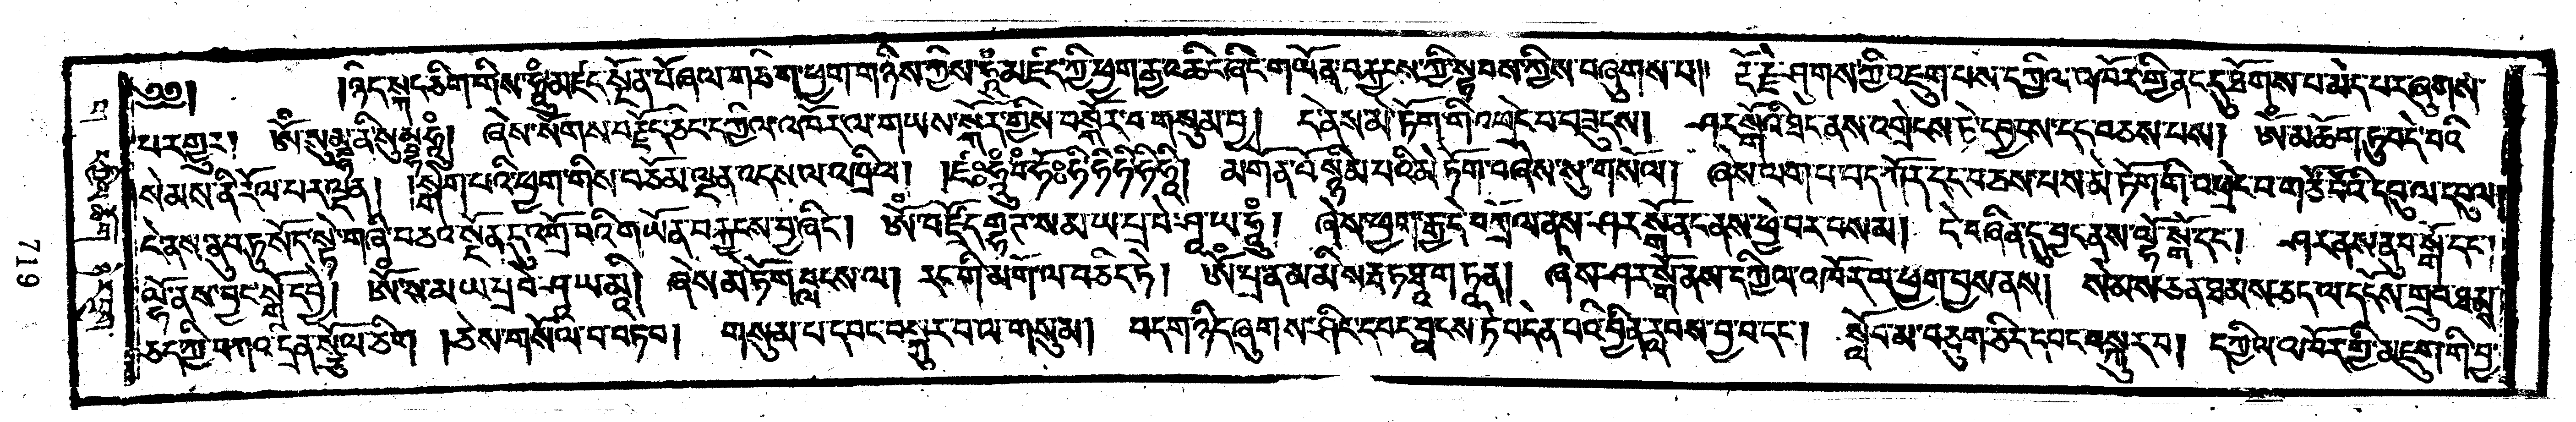༄༅། །ཉིད་སྐད་ཅིག་གིས་ཧཱུཾ་མཛད་སྔོན་པོ་ཞལ་གཅིག་ཕྱག་གཉིས་ཀྱིས་ཧཱུཾ་མཛད་ཀྱི་ཕྱག་རྒྱ་འཆིང་ཞིང་གཡོན་བརྐྱངས་ཀྱི་སྟབས་ཀྱིས་བཞུགས་པ། རྡོ་རྗེ་ཤུགས་ཀྱི་འཇུག་པས་དཀྱིལ་འཁོར་གྱི་ནང་དུ་ཐོགས་པ་མེད་པར་ཞུགས་
པར་གྱུར། ཨོཾ་སུམྦྷ་ནི་སུམྦྷ་ཧཱུཾ། ཞེས་སོགས་བརྗོད་ཅིང་དཀྱིལ་འཁོར་ལ་གཡས་སྐོར་གྱིས་བསྐོར་བ་གསུམ་བྱ། དེ་ནས་མེ་ཏོག་གི་འཕྲེང་བ་བཟུངས། ཤར་སྒོའི་ཐད་ནས་འགྲེངས་ཏེ་དབྱངས་དང་བཅས་པས། ཨོཾ་མཆོག་ཏུ་བདེ་བའི་
སེམས་ནི་རོལ་པར་ལྡན། །སྒེག་པའི་ཕྱག་གིས་བཅོམ་ལྡན་འདས་ལ་འཁྲིལ། །ཛཿཧཱུཾ་བཾ་ཧོཿཧི་ཧི་ཧི་ཧི་ཧཱི། མགོན་བོ་སྙིམ་པའི་མེ་ཏོག་བཞེས་སུ་གསོལ། ཞེས་ལག་པ་བད་ཀོར་དང་བཅས་པས་མེ་ཏོག་གི་འཕྲེང་བ་གཙོ་བོའི་དབུ་ལ་དབུལ།
དེ་ནས་ནུབ་ཏུ་སོང་སྟེ་གཞི་བཅའ་སྔོན་དུ་འགྲོ་བའི་གཡོན་བརྐྱངས་བྱ་ཞིང་། ཨོཾ་བཛྲོད་གྷཊ་ས་མ་ཡ་པྲ་བེ་ཤཱ་ཡ་ཧཱུཾ། ཞེས་ཕྱག་རྒྱ་དེ་བཀྲོལ་ནས་ཤར་སྒོ་ནང་ནས་ཕྱེ་བར་བསམ། དེ་བཞིན་དུ་བྱང་ནས་ལྷོ་སྒོ་དང་། ཤར་ནས་ནུབ་སྒོ་དང་།
ལྷོ་ནས་བྱང་སྒོ་དབྱེ། ཨོཾ་ས་མ་ཡ་པྲ་བེ་ཤཱ་ཡ་མཱི། ཞེས་མེ་ཏོག་བླངས་ལ། རང་གི་མགོ་ལ་བཅིང་ཏེ། ཨོཾ་པྲ་ན་མ་མི་སརྦ་ཏ་ཐཱ་ག་ཏཱན། ཞེས་ཤར་སྒོ་ནས་དཀྱིལ་འཁོར་ལ་ཕྱག་བྱས་ནས། སེམས་ཅན་ཐམས་ཅད་ལ་དངོས་གྲུབ་ཐམས་
ཅད་ཀྱི་བཀའ་དྲིན་སྩོལ་ཅིག །ཅེས་གསོལ་བ་བཏབ། གསུམ་པ་དབང་བསྐུར་བ་ལ་གསུམ། བདག་ཉིད་ཞུགས་ཤིང་དབང་བླངས་ཏེ་བདེན་པའི་བྱིན་རླབས་བྱ་བ་དང་། སློབ་མ་བཅུག་ཅིང་དབང་བསྐུར་བ། དཀྱིལ་འཁོར་གྱི་མཇུག་གི་བྱ་